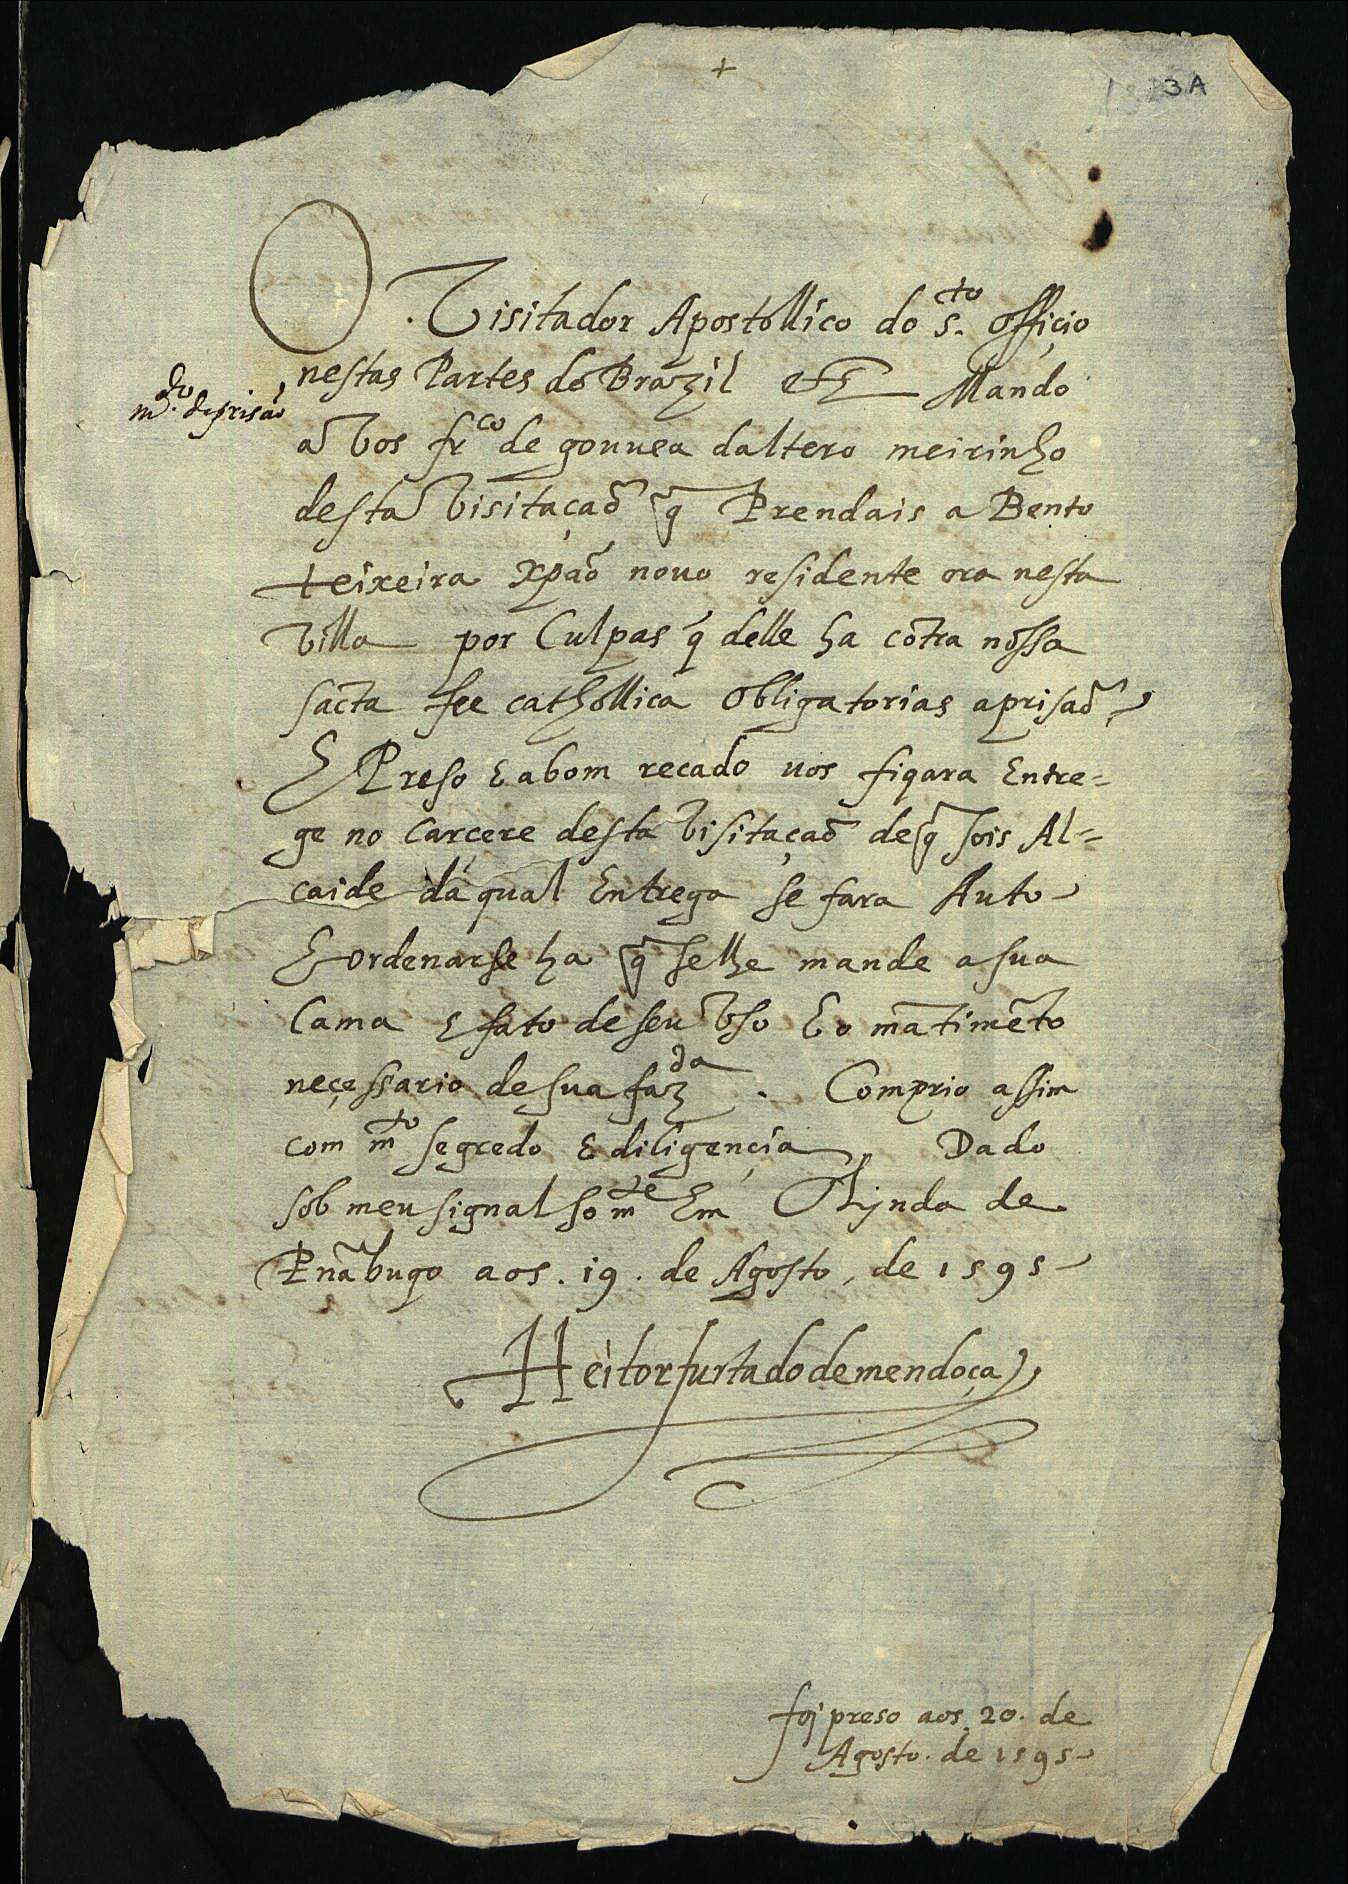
O Visitador Apostollico do s.to offiçio
nestas Partes do Brazil &ꝭ Mando
m.do de prisaõ
a vos fr.co de gouuea daltero meirinho
desta visitaçaõ q̄ Prendais a Bento
teixeira xpaõ nouo residente ora nesta
villa por Culpas q̄ delle ha cōtra nossa
sac̄ta fee cathollica Obligatorias a prisaõ,
E Preso E a bom recado uos fiqara Entre
ge no Carçere desta visitação de q̄ sois Al
caide da qual Entrega se fara Auto
E ordenarse ha q̄ se lhe mande a sua
Cama E fato de seu vso E o mātimēto
neçessario de sua fazda . Comprio assim
com mto segredo E diligençia Dado
sob meu signal somte Em Olynda de
Ꝑnābuqo aos . i9 . de Agosto , de 1595
Heitor furtado de mendonça
foi preso aos 20. de
Agosto . de 1595 -
